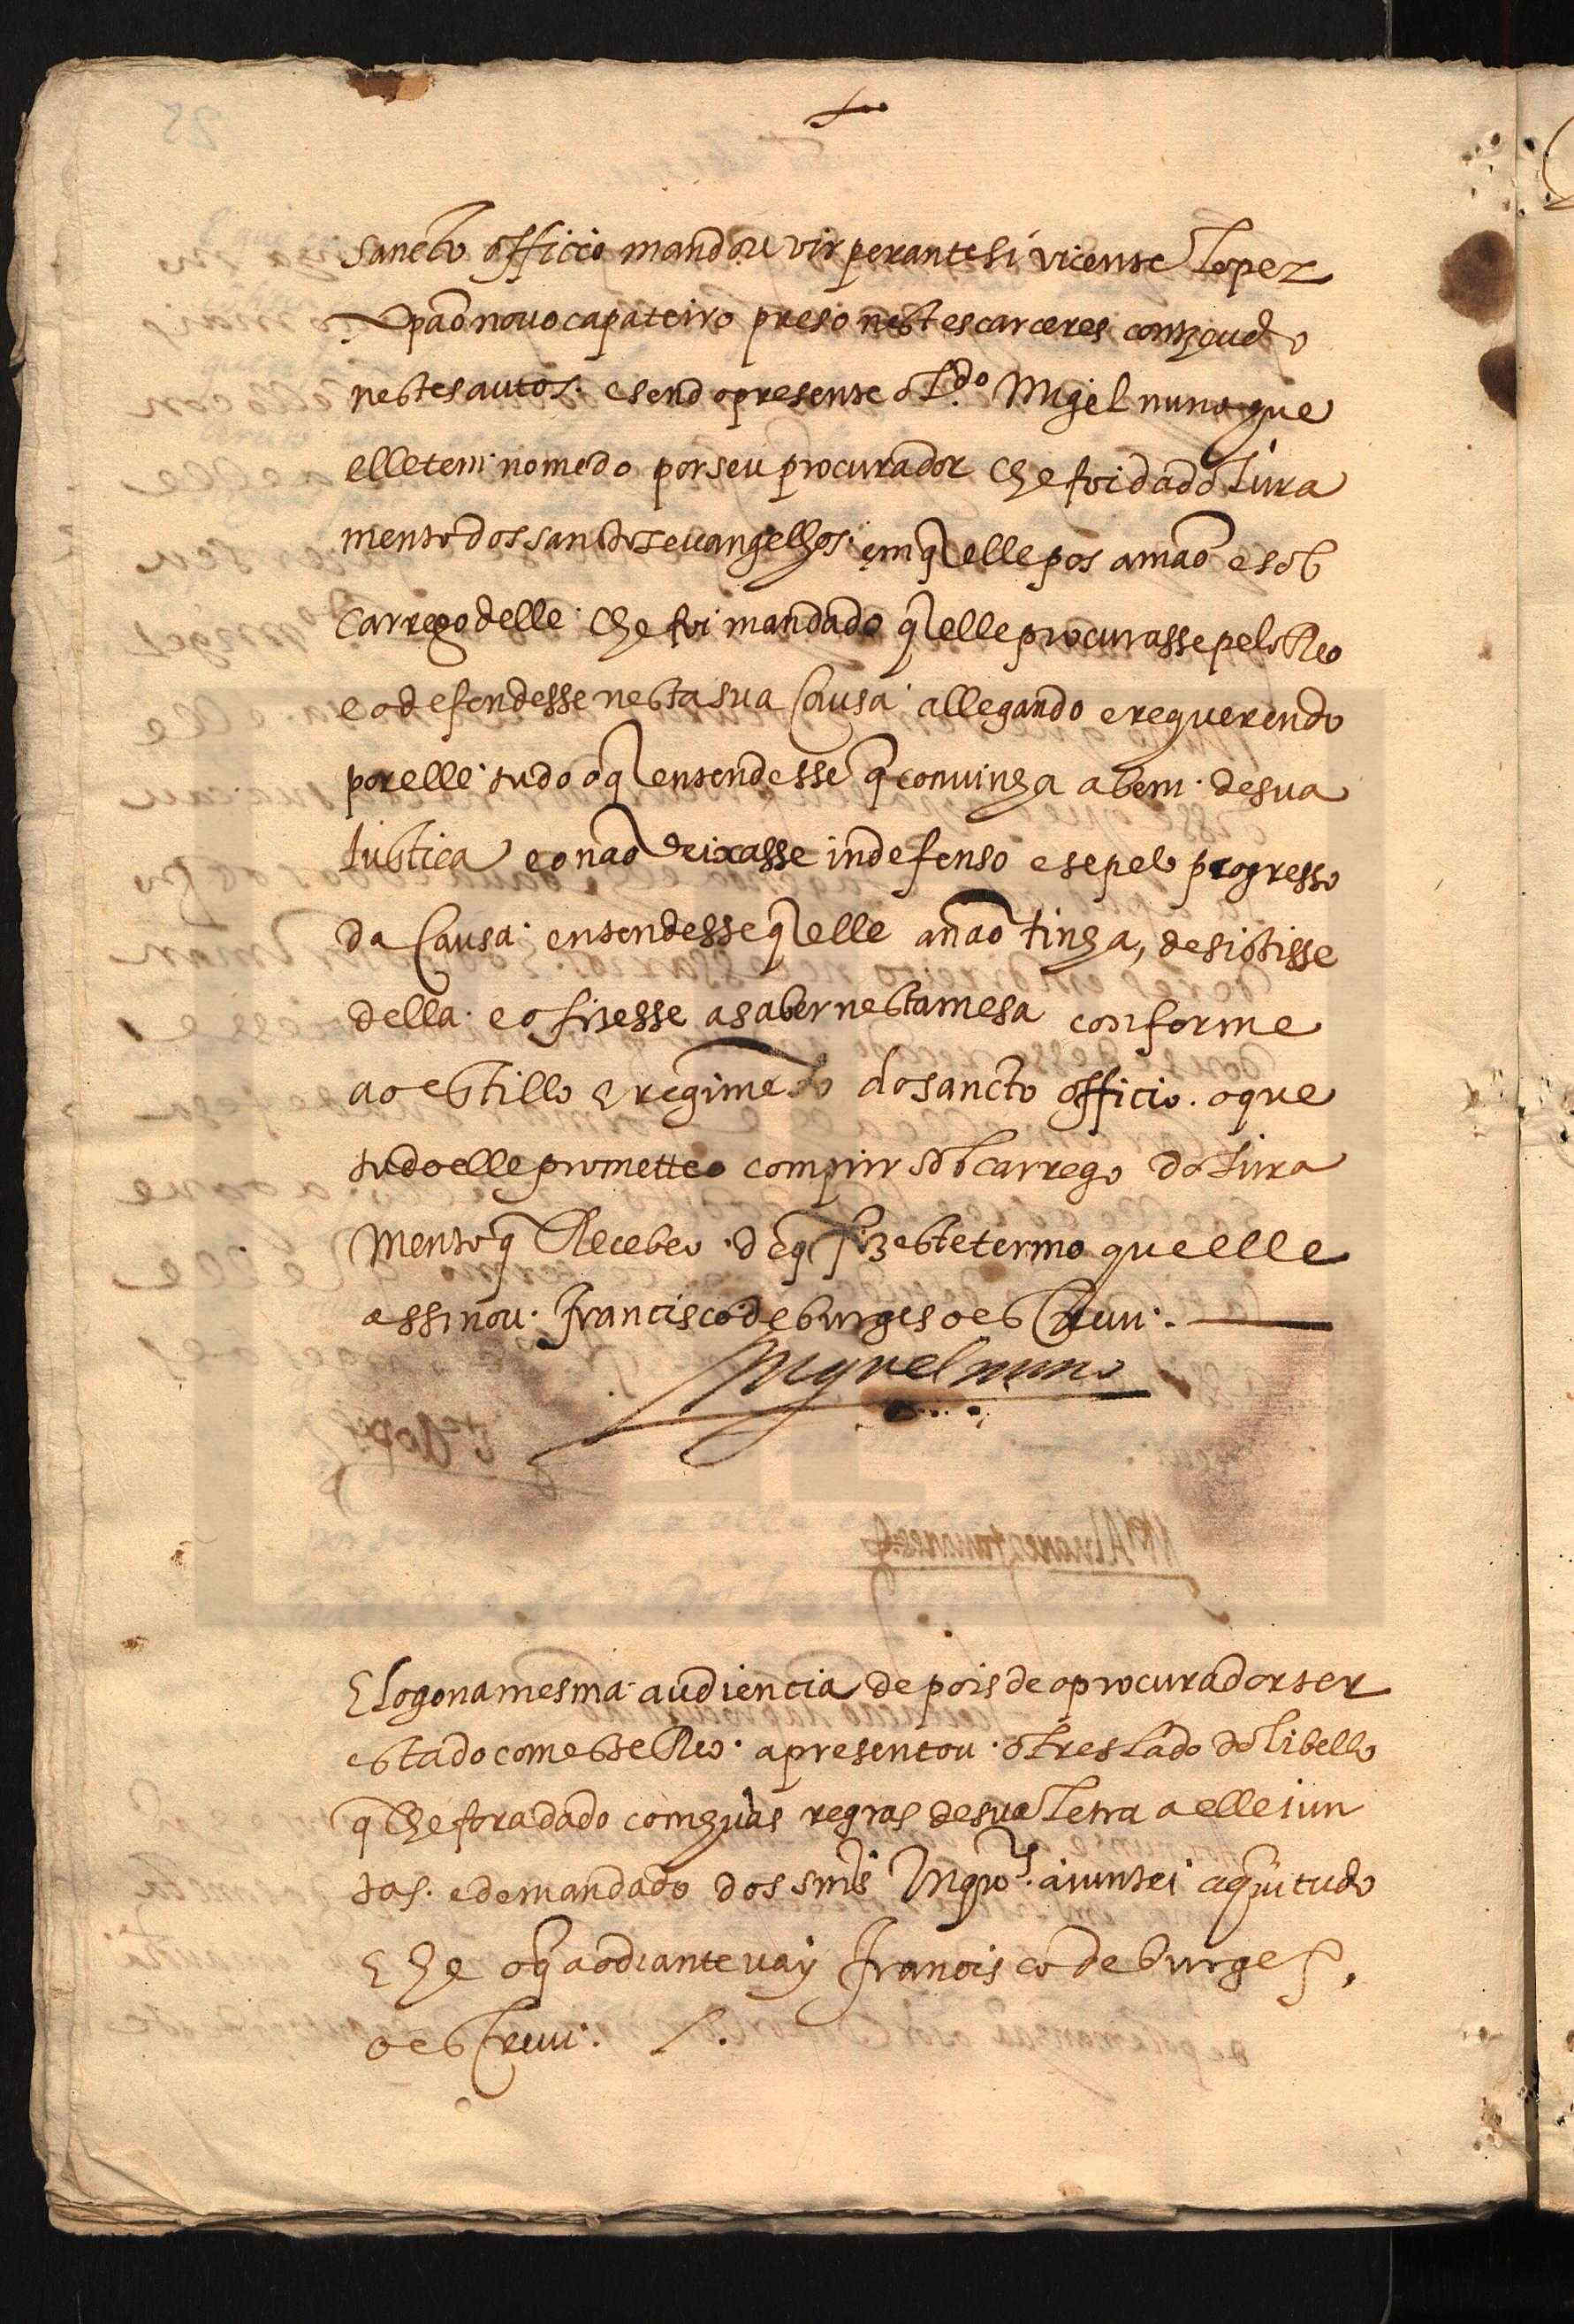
Sancto officio mandou vir perante si vicente Lopez
Xpaõ nouo capateiro preso nestes carceres contheudo
nestes autos e sendo presente o L.do Migel nuno que
elle tem nomedo por seu procurador lhe foi dado Iura
mento dos sanctos euangelhos em q̄ elle pos a mão e sob
carrego delle lhe foi mandado q̄ elle procurasse pelo Reo
e o defendesse nesta sua Causa allegando e requerendo
por elle tudo o q̄ entendesse q̄ conuinha a bem . de sua
Iustica e o não deixasse indefenso e se pelo progresso
da Causa entendesse q̄ elle a não tinha, desistisse
della e o fizesse a saber nesta mesa conforme
ao estillo E regimēto do sancto officio. o que
tudo elle prometteo comprir sob carrego do Iura
mento q̄ Recebeo de q̄ fiz este termo que elle
assinou. francisco de bruges o esCreui.
Miguel Nuno
E Logo na mesma audiencia depois de o procurador ter
estado com este Reo . apresentou . o treslado do libello
q̄ lhe fora dado com huās regras de sua Letra a elle iun
tas. e do mandado dos snēs Inqures aiuntei aqui tudo
E he o q̄ ao diante uay francisco de bruges
o esCreui. / .
